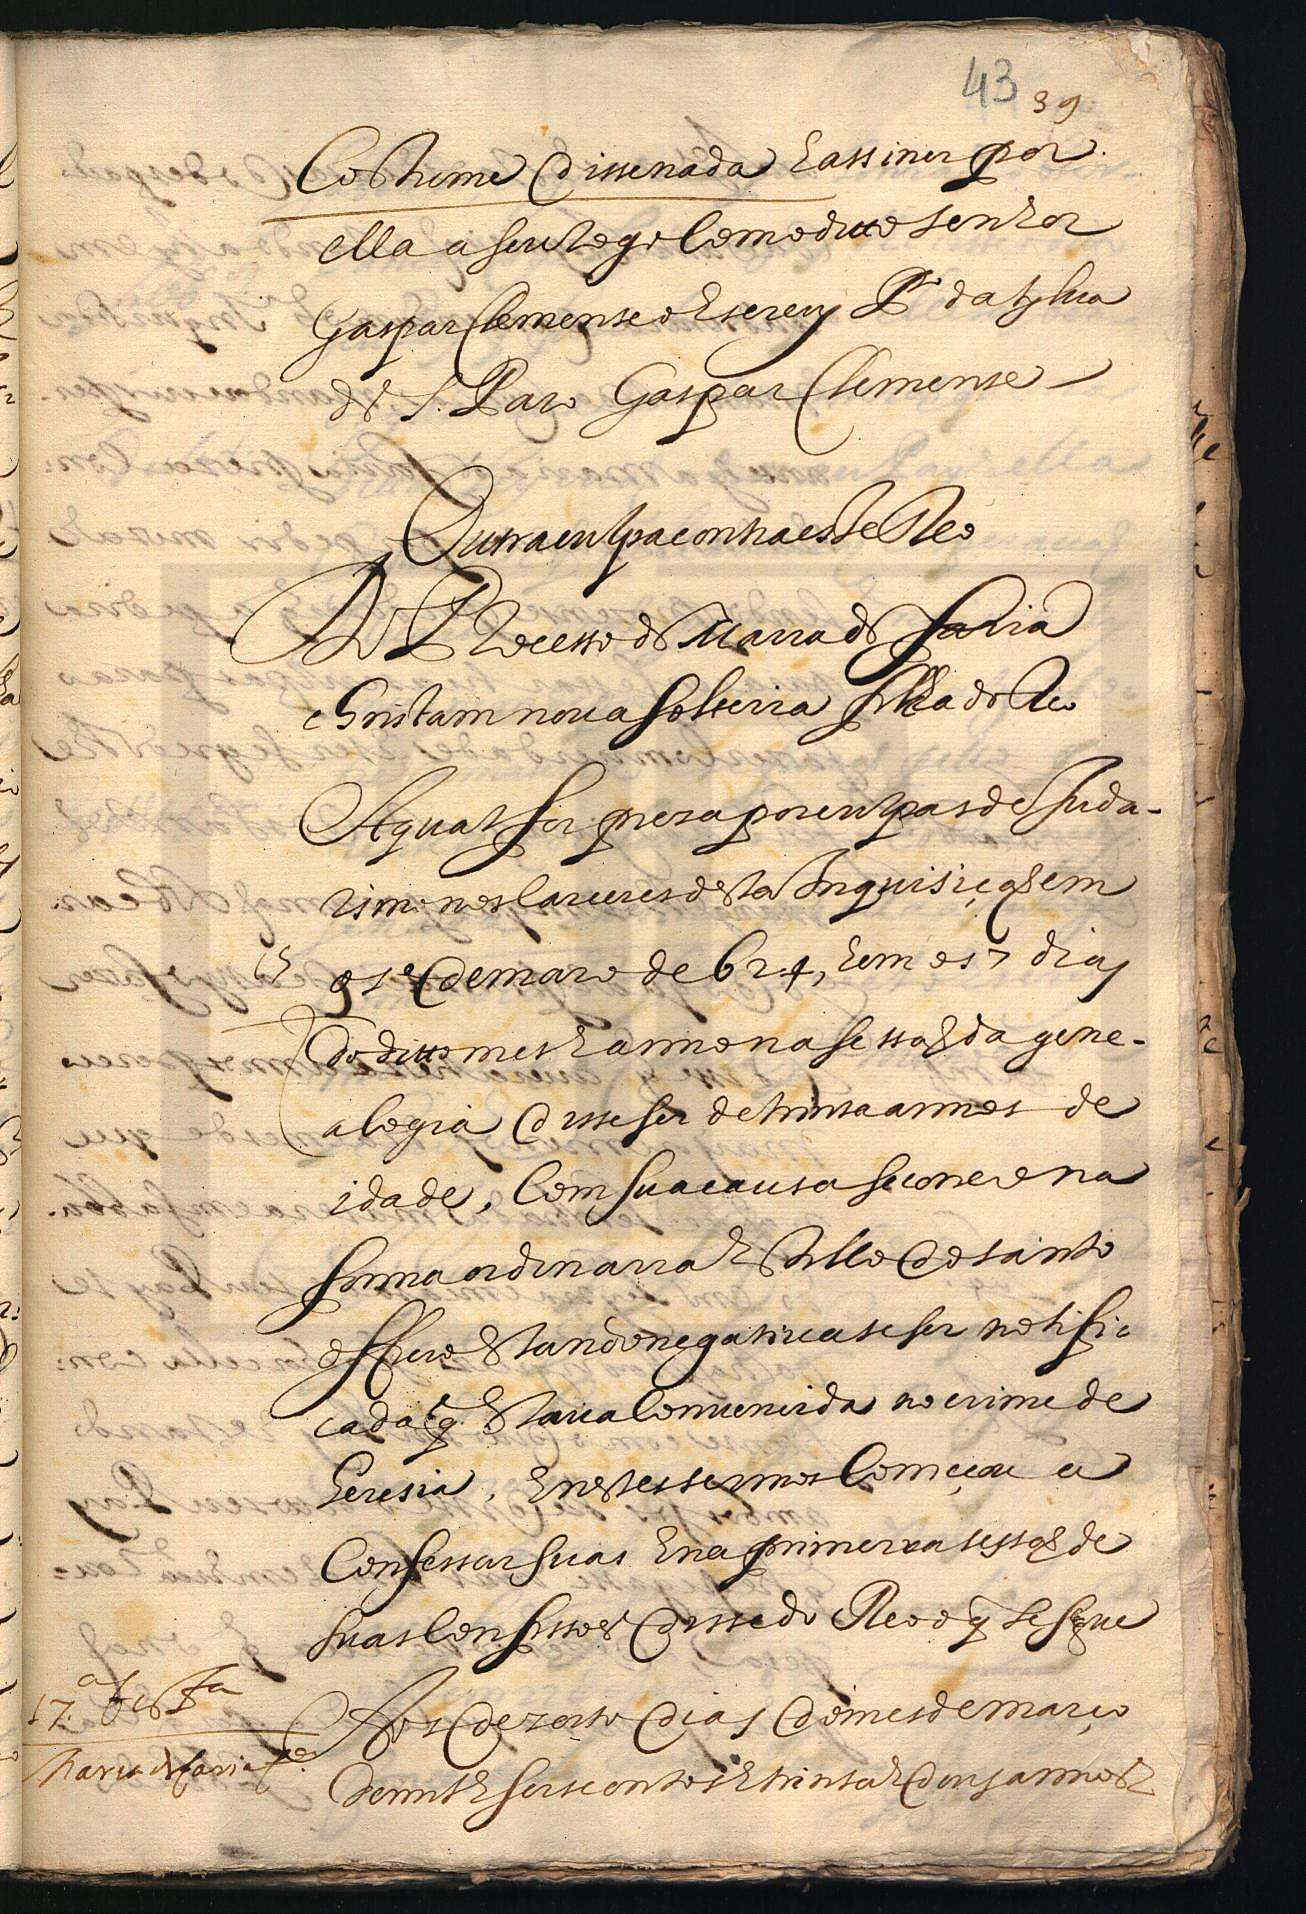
Costume disse nada E assinei por
ella a seu Rogo com o ditto senhor
Gaspar Clemente o Escreuj Po da sylua
de S. Paio Gaspar Clemente -
Outra culpa contra este Reo
Do PRocesso de Maria de faria
christam noua solteira filha do Reo
A qual foi preza por culpas de Juda
ismo nos carceres desta Inquisiçaõ em
o 1o de maio de 624, E em os 7 dias
do ditto mes E anno na sessaõ da gene
alogia disse ser de trinta annos de
idade, Com sua causa se correr e na
forma ordinaria E stillo do santo
officio estando negatiua te ser notific
cada q̄ estaua conuencida no crime de
heresia, E nestes termos Começou a
Confessar suas E na primeira sessaõ de
suas confissoes disse do Reo o q̄ se segue
17.a testa
Maria de faria ta.
Aos dezoito dias do mes de março
de mil E seiscentos E trinta E dous annos
